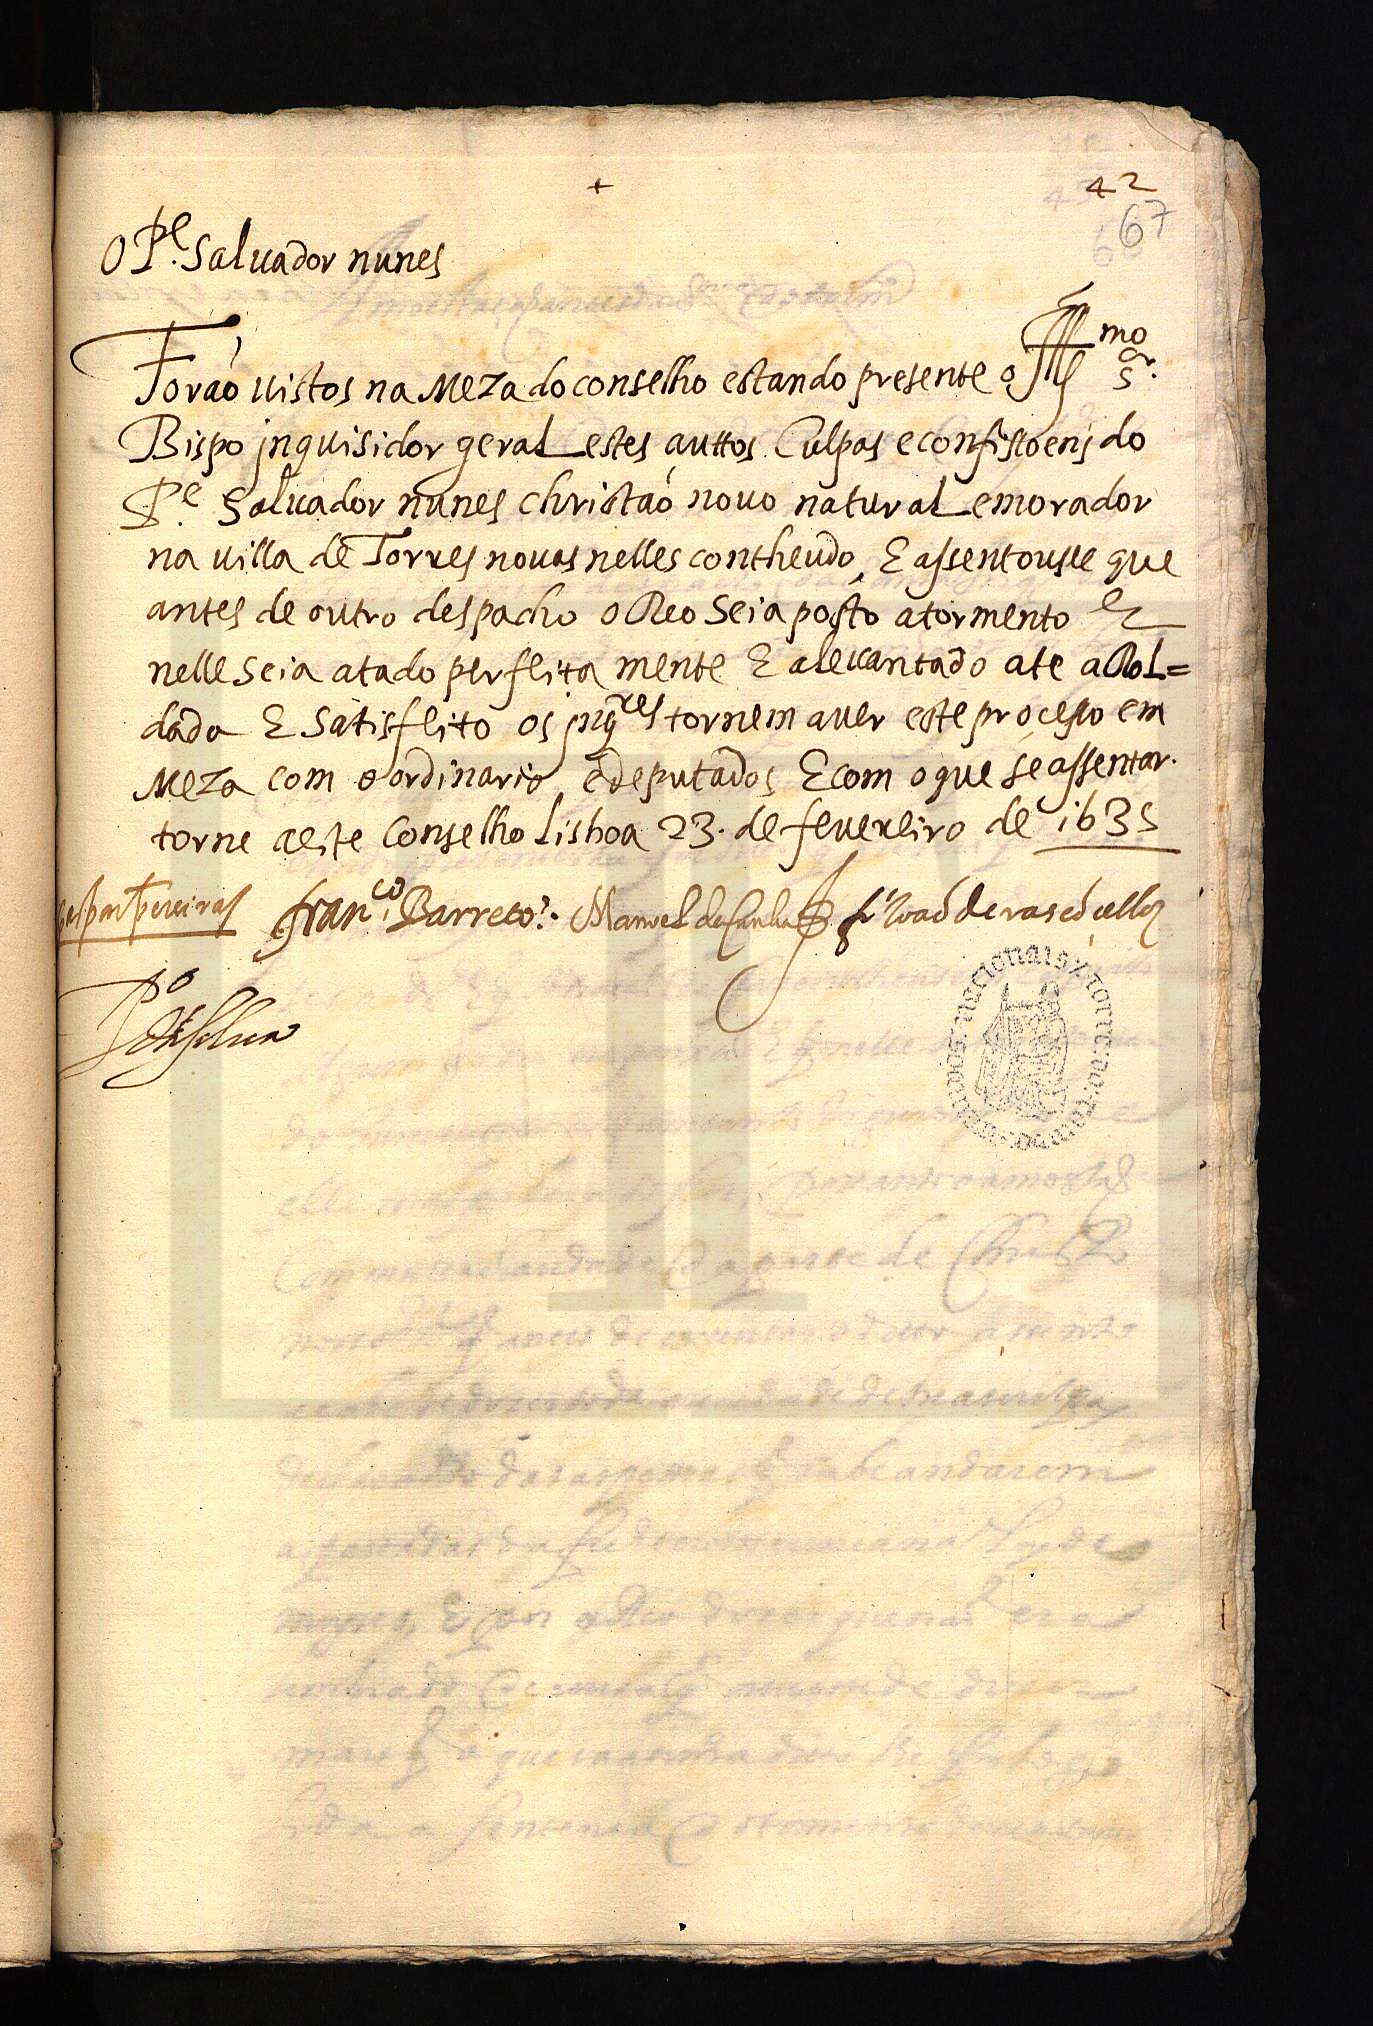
O P.e Saluador nunes
Foraõ uistos na Meza do conselho estando presente o Illꝭmo sor.
Bispo jnquisidor geral estes auttos Culpas e confissoens do
P.e Saluador nunes christaõ nouo naturaL e morador
na uilla de Torres nouas nelles contheudo, E assentousse que
antes de outro despacho o Reo seia posto a tormento E
nelle seia atado perfeitamente E aleuantado ate a Rol
dada E satisfeito os jnqres tornem a uer este processo em
Meza com o ordinario e deputados E com o que se assentar
torne a este conselho Lisboa 23. de feuereiro de i635
